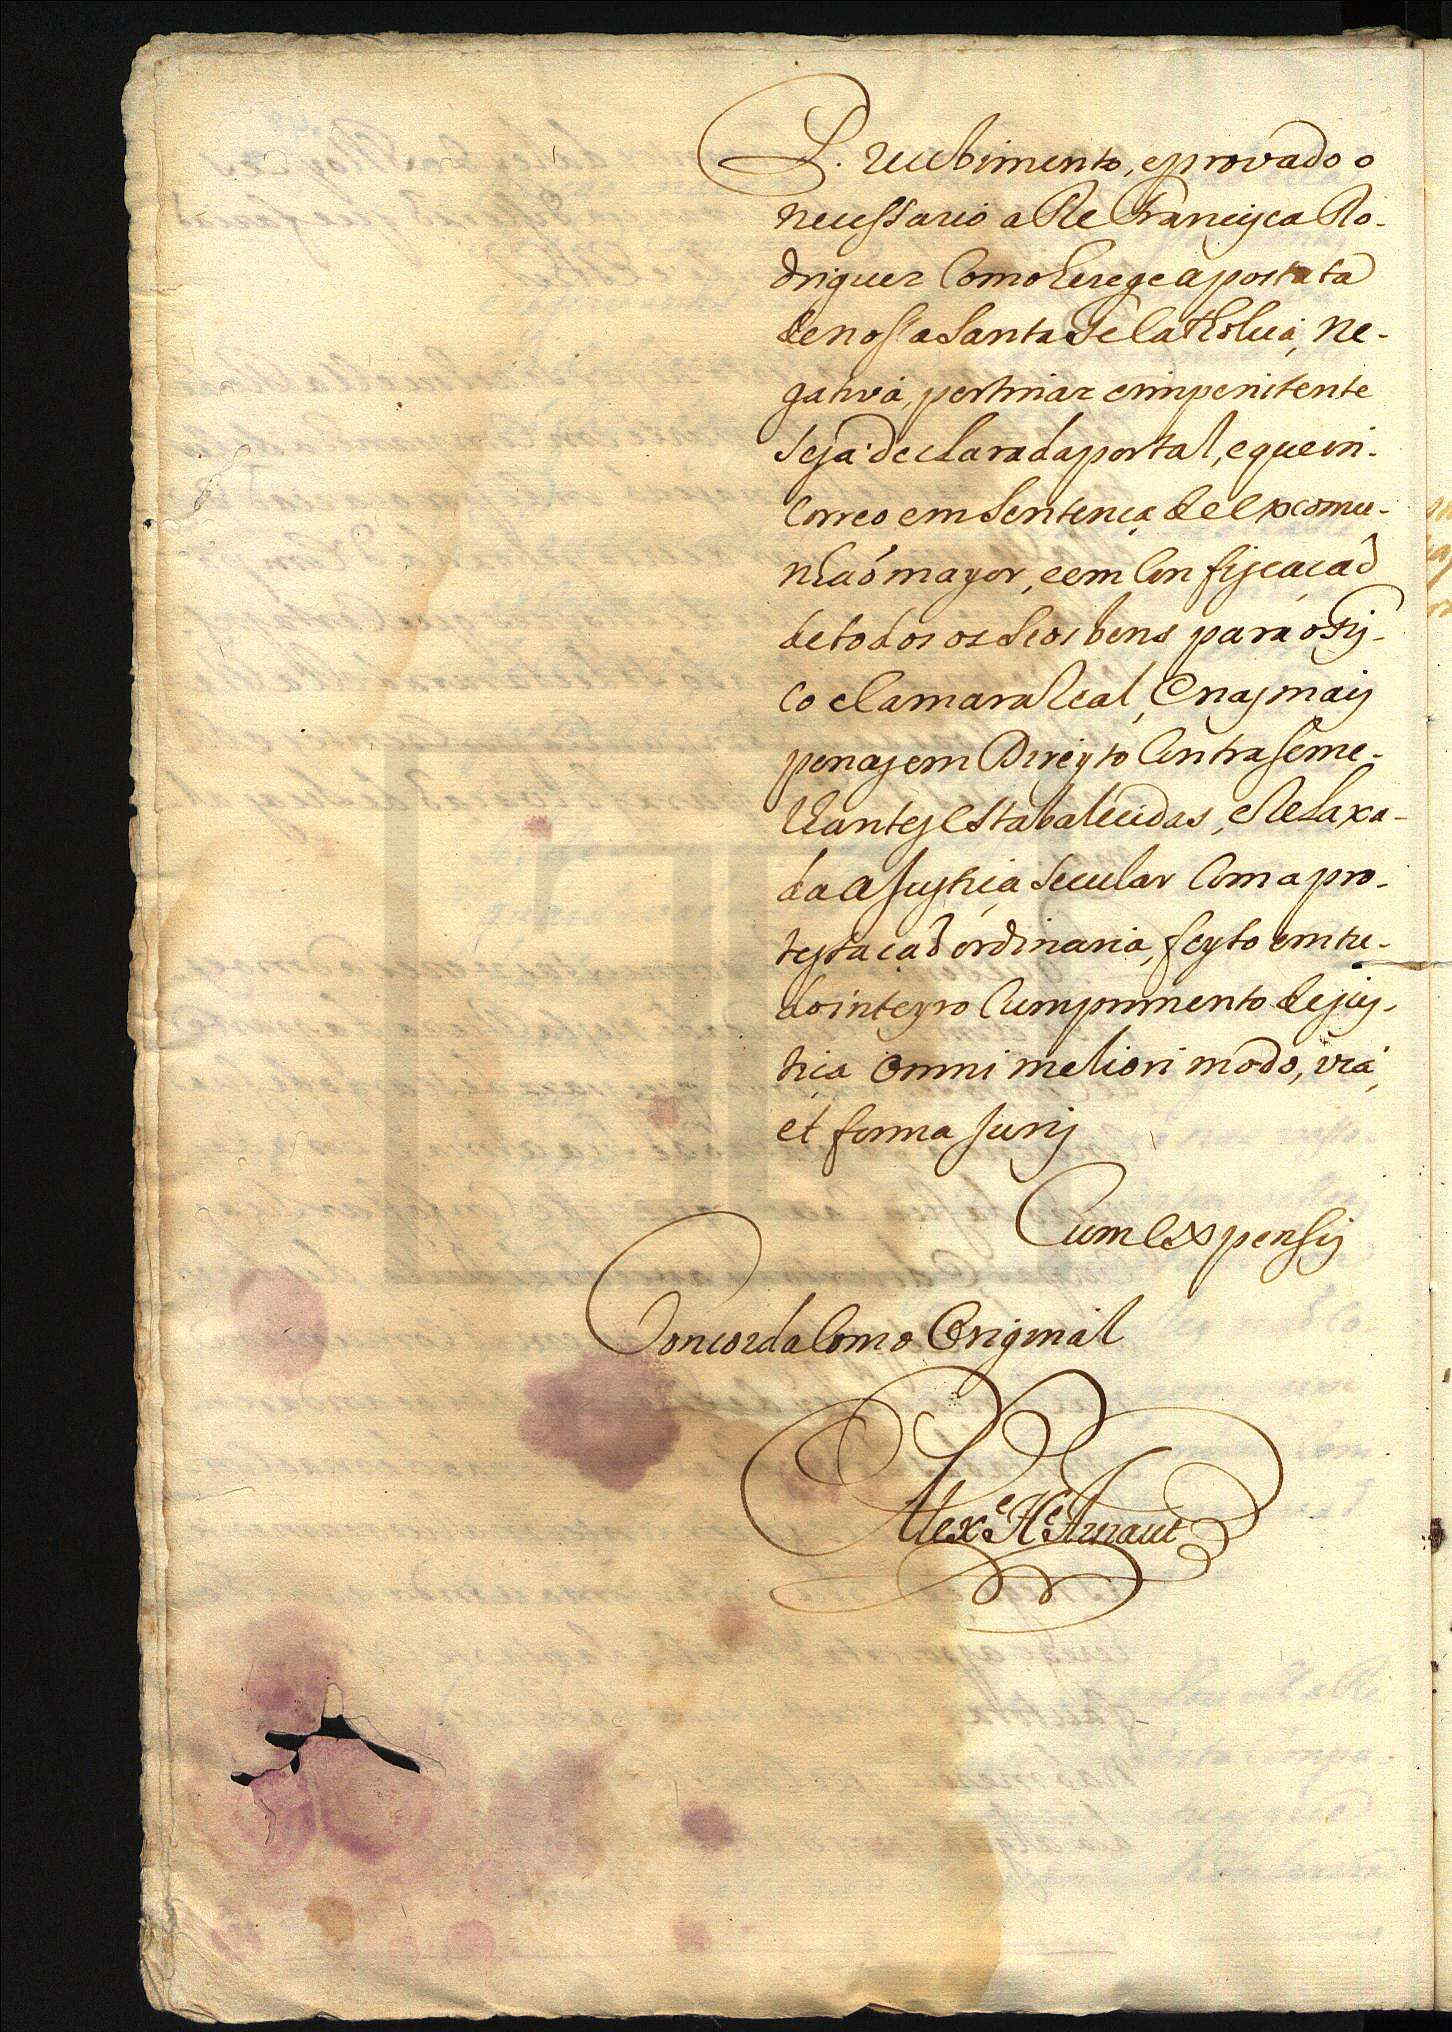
P. recebimento, e provado o
necessario a Re Francisca Ro
driguez Como herege apostata
de nossa Santa Fe Catholica, ne
gativa, pertinaz e impenitente
seja declarada por tal, e que in
correo em Sentença de excomu
nhaõ mayor, e em Confiscaçaõ
de todos os Seos bens para o Fis
co e Camara Real, e nas mais
penas em Direyto contra seme
lhantes eStabelecidas, e Relaxa
da a Justiça secular com a pro
testaçaõ ordinaria, feyto em tu
do inteyro cumprimento de jus
tiça omni meliori modo, via
et forma Juris
Cum expensis
Concorda Com o Original
